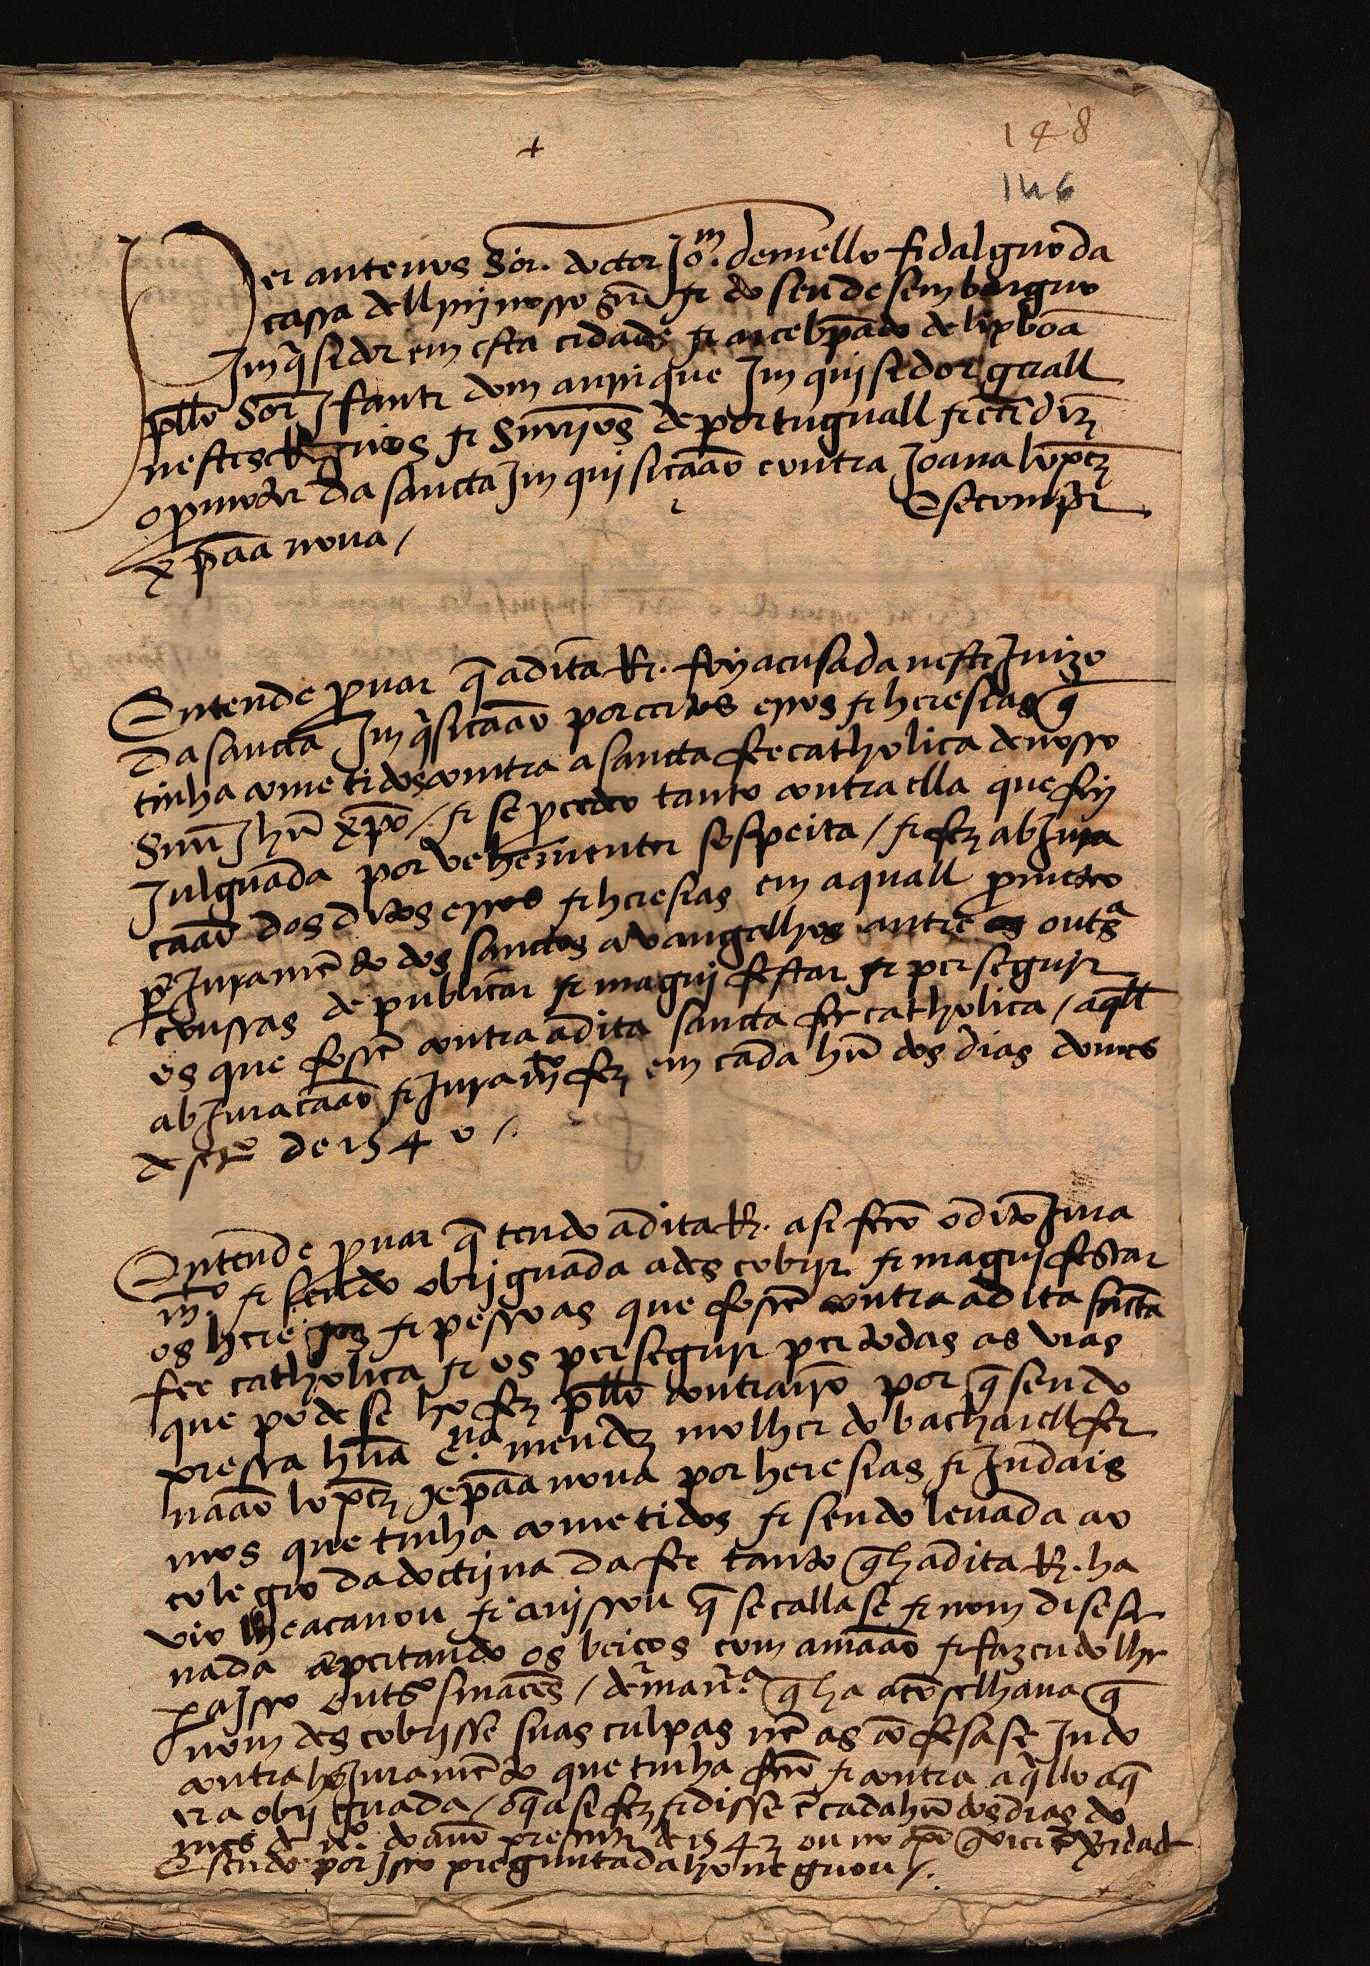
Perante uos Sōr doctor Jom de mello fidalguo da
cassa dell rej nosso s̄or e do seu desembarguo
Jmqisidor em esta cidade e arcebpādo de lixboa
p̄llo Sōr Jfante dom anrrique Jmqujsidor gerall
nestes Regnos e Snōrjos de portuguall e c̄et diz
o ꝓmotor da sancta Jmqujsiçãao contra Joana lopez
xpāa noua /
E se compir
Entende ꝓuar q̄ a dita R. foy acusada neste Juizo
da sancta Jmqisiçaão por certos erros e heresias que
tinha cometidos comtra a sancta fee catholica de nosso
Snōr Jhū xp̄o / e se ꝓcedeo tanto contra ella que foy
Julguada por vehementer sospeita / e fez abJura
çaão dos ditos erros e heresias em a quall ꝓmeteo
ꝑ Juramēto dos sanctos avangelhos antre as outas
coussas de pubricar e magnjfestar e persegujr
os que fossē contra a dita sancta fee catholica / a q̄ll
abJuraçaão e Juramto fez em cada hū dos dias do mes
de seto de 1540
Entende ꝓuar q̄ tendo a dita R. asi fcc̄o o dito Jura
mto e sendo obriguada a descobrjr e magnjfestar
os hereges e pessoas que fossē contra a dita sācta
fee catholica e os persegujr per todas as vias
que podese ho fez p̄llo contrairo porq̄ sendo
pressa hūa c.na mendez molher do bacharell fer
naão lopez xpaā noua por heresias e Judais
mos que tinha cometidos e sendo leuada ao
colegio da doctrjna da fee tanto q̄ ha dita R. ha
vio lhe açanou e aujssou q̄ se callase e nom disese
nada apertando os beiços com a maão e fazendo lhe
ꝑa Jsso outos sinaees / de man.ra q̄ ha ac̄oselhaua q̄
nom descobrjsse suas culpas nē as c̄ofesase Jndo
contra o Juramēto que tinha fcc̄o e contra aq̄llo a q̄
era obrjguada / o q̄ asi fez e disse ē cada hū dos dias do
mes de n.o do an̄o presente de 1543 ou no tpō q̄ vier ē ꝟrdade
e sendo por Jsso preguntada ho neguou /
